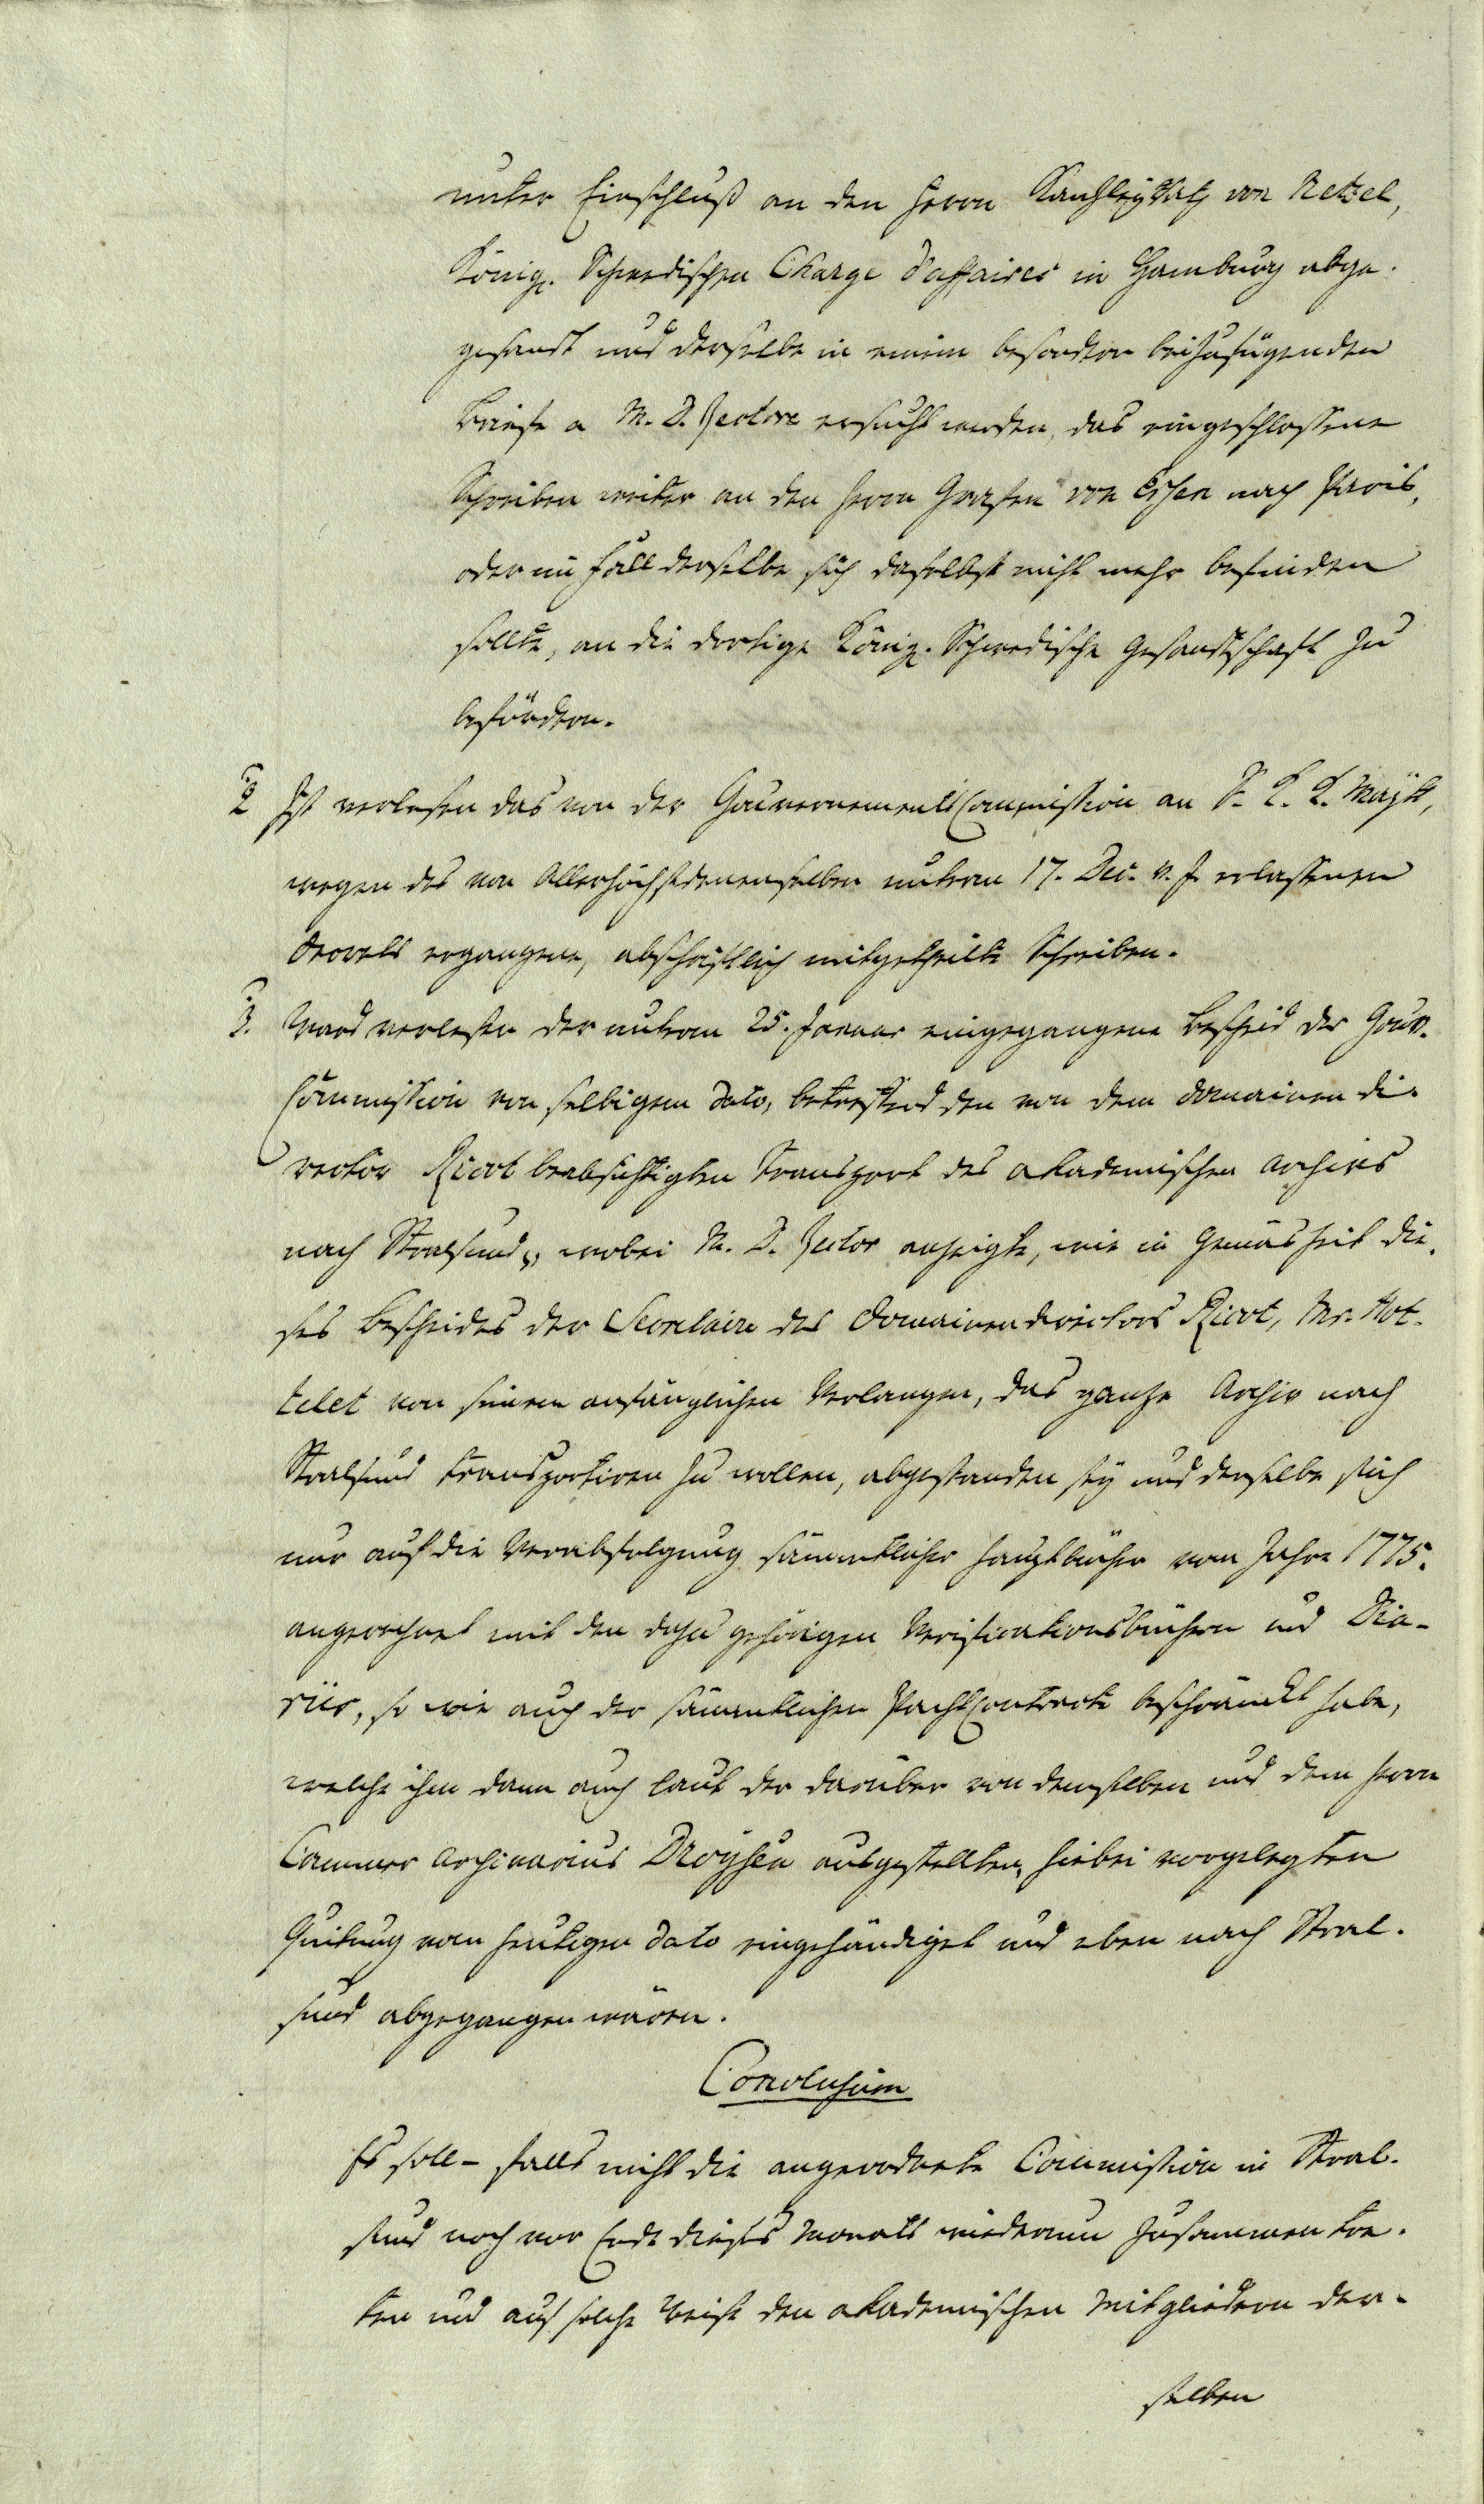unter Einschluß an den Herrn Kanzleÿ Rath von Netzel,
Königl. Schwedischer Charge d´ affaires in Hamburg abge¬
gesandt und derselbe in einem besondern beizufügenden
Briefe a M. D. Rectore ersucht werden, das eingeschlossene
Schreiben weiter an den Herrn Grafen von Essen nach Paris,
oder im Fall derselbe sich daselbst nicht mehr befinden
sollte, an die dortige Königl. Schwedische Gesandschaft zu
befördern.
2 Ist verlesen das von der Gouvernements Commission an Sr. K. K. Maÿtt,
wegen des von Allerhöchstdenenselben unterm 17. Dec. v. J. erlassenen
Decrets ergangene, abschriftlich mitgetheilte Schreiben.
3 Ward verlesen der unterm 25. Januar eingegangene Bescheid der Gouv.
Commission von selbigem dato, betreffend den von dem Domainendi¬
rector Ricot beabsichtigten Transport des akademischen Archivs
nach Stralsund,, wobei M. D. Rector anzeigte, wie in Gemäsheit die¬
ses Bescheides der Secretaire des Domainendirectors Ricot, Mr. Hot¬
telet von seinem anfänglichen Verlangen, das ganze Archiv nach
Stralsund transportiren zu wollen, abgestanden seÿ und derselbe sich
nur auf die Verabfolgung sämmtlicher Hauptbücher vom Jahre 1775.
angerechnet mit den dazu gehörigen Verificationsbüchern und Dia¬
riis, so wie auch der sämmtlichen Pachtcontracte beschränkt habe,
welche ihm dann auch laut der darüber von demselben und dem Herrn
Cammer Archivarius Droÿsen ausgestellten, hiebei vorgelegten
Quitung vom heutigen dato eingehändiget und eben nach Stral¬
sund abgegangen wären.
Conclusum
Es soll - falls nicht die angeordnete Commission in Stral¬
sund noch vor Ende dieses Monats wiederum zusammentre¬
ten und auf solche Weise den akademischen Mitgliedern der¬
selben